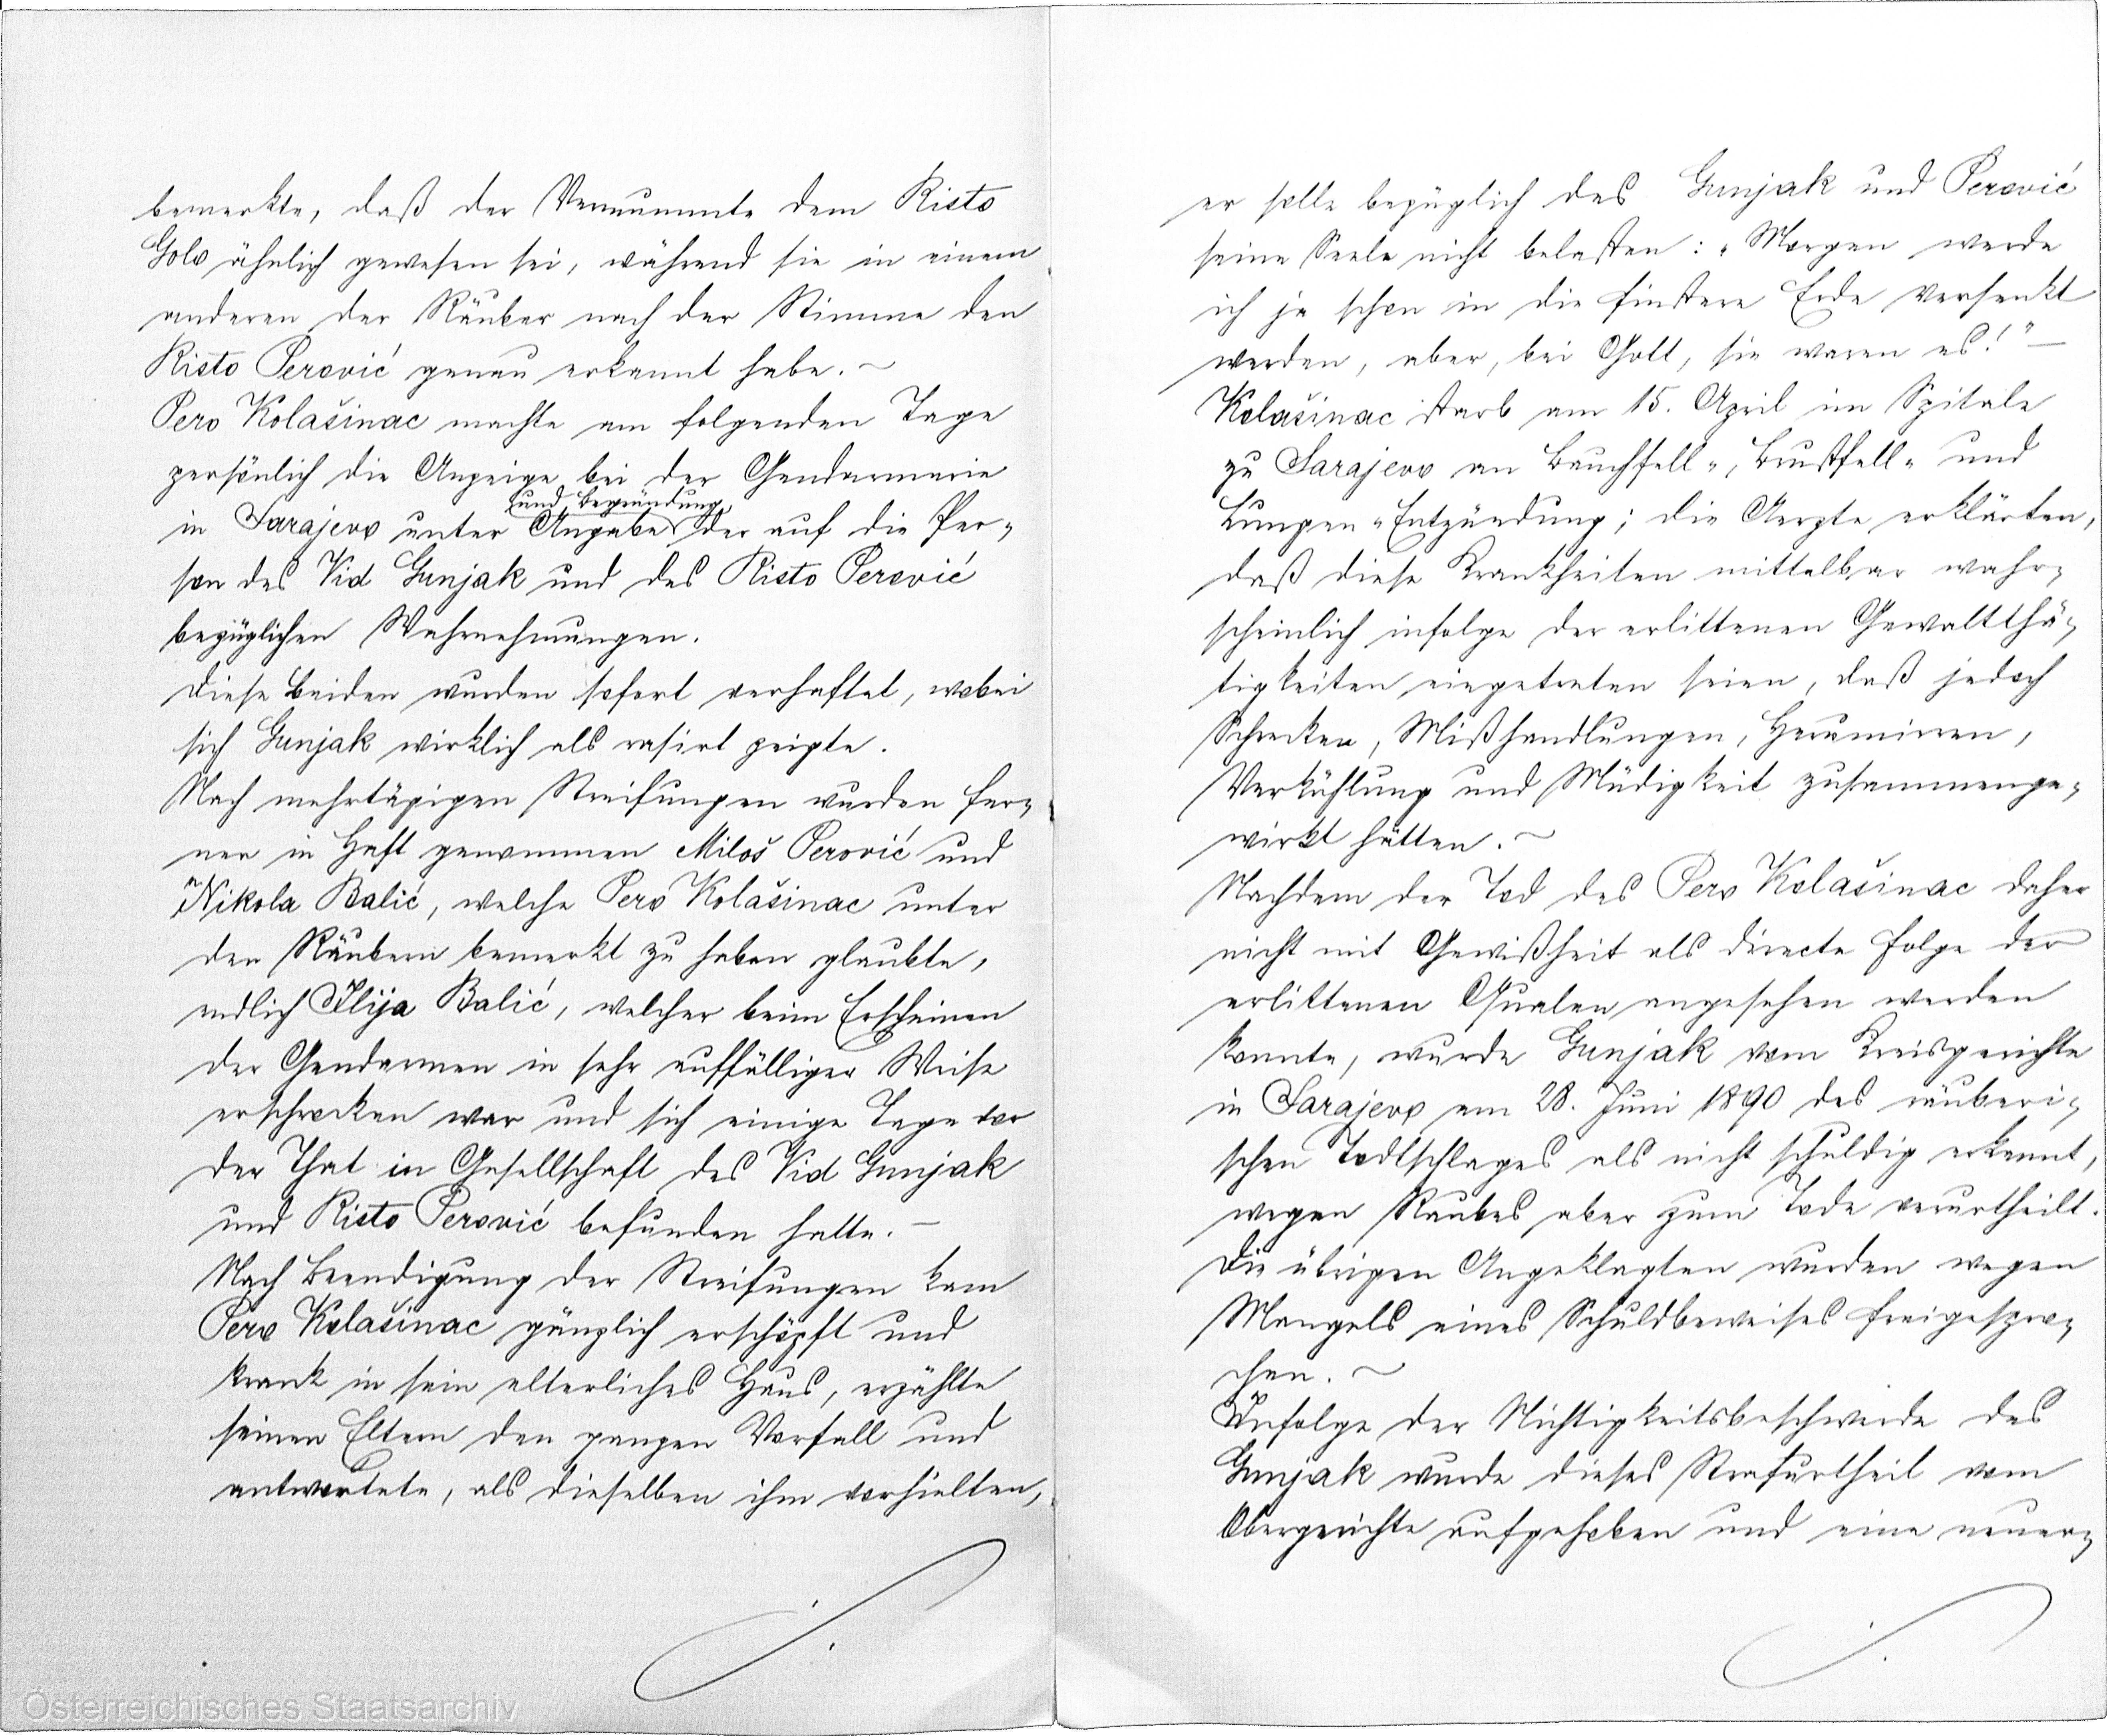bemerkte, daß der Vermummte den Risto
Golo ähnlich gewesen sei, während sie in einem
anderen der Räuber nach der Stimme den
Risto Perović genau erkannt habe.
Pero Kolašinac machte am folgenden Tage
persönlich die Anzeige bei der Gendarmerie
und Begründung
in Sarajevo unter Angabe der auf die Per¬
son des Vid Gunjak und des Risto Perović
bezüglichen Wahrnehmungen.
Diese Beiden wurden sofort verhaftet, wobei
sich Gunjak wirklich als rasirt zeigte.
Nach mehrtägigen Streifungen wurden fer¬
ner in Haft genommen Miloš Perović und
Nikola Balić, welche Pero Kolašinac unter
den Räubern bemerkt zu haben glaubte,
endlich Ilija Balić, welcher beim Erscheinen
der Gendarmen in sehr auffälliger Weise
erschrecken war und sich einige Tage vor
der That in Gesellschaft des Vid Gunjak
und Risto Perović befunden hatte.
Nach Beendigung der Streifungen kam
Pero Kolašinac gänzlich erschöpft und
krank in sein elterliches Haus, erzählte
seinen Eltern den ganzen Vorfall und
antwortete, als dieselben ihm vorhielten,
er solle bezüglich des Gunjak und Perović
seine Seele nicht belasten: „Morgen werde
ich ja schon in die finstere Erde versenkt
werden, aber, bei Gott, sie waren es!“–
Kolašinac starb am 15. April im Spitale
zu Sarajevo an Bauchfell-, Brustfell- und
Lungen-Entzündung; die Aerzte erklärten,
daß diese Krankheiten mittelbar wahr¬
scheinlich infolge der erlittenen Gewaltthä¬
tigkeiten eingetreten seien, daß jedoch
Schrecken, Mißhandlungen, Herumirren,
Verkühlung und Müdigkeit zusammenge¬
wirkt hätten.
Nachdem der Tod des Pero Kolašinac daher
nicht mit Gewißheit als directe Folge der
erlittenen Qualen angesehen werden
konnte, wurde Gunjak vom Kreisgerichte
in Sarajevo am 28. Juni 1890 des räuberi¬
schen Todtschlages als nicht schuldig erkannt,
wegen Raubes aber zum Tode verurtheilt.
Die übrigen Angeklagten wurden wegen
Mangels eines Schuldbeweises freigespro¬
chen.
Infolge der Nichtigkeitsbeschwerde des
Gunjak wurde dieses Strafurtheil vom
Obergerichte aufgehoben und eine neuer¬